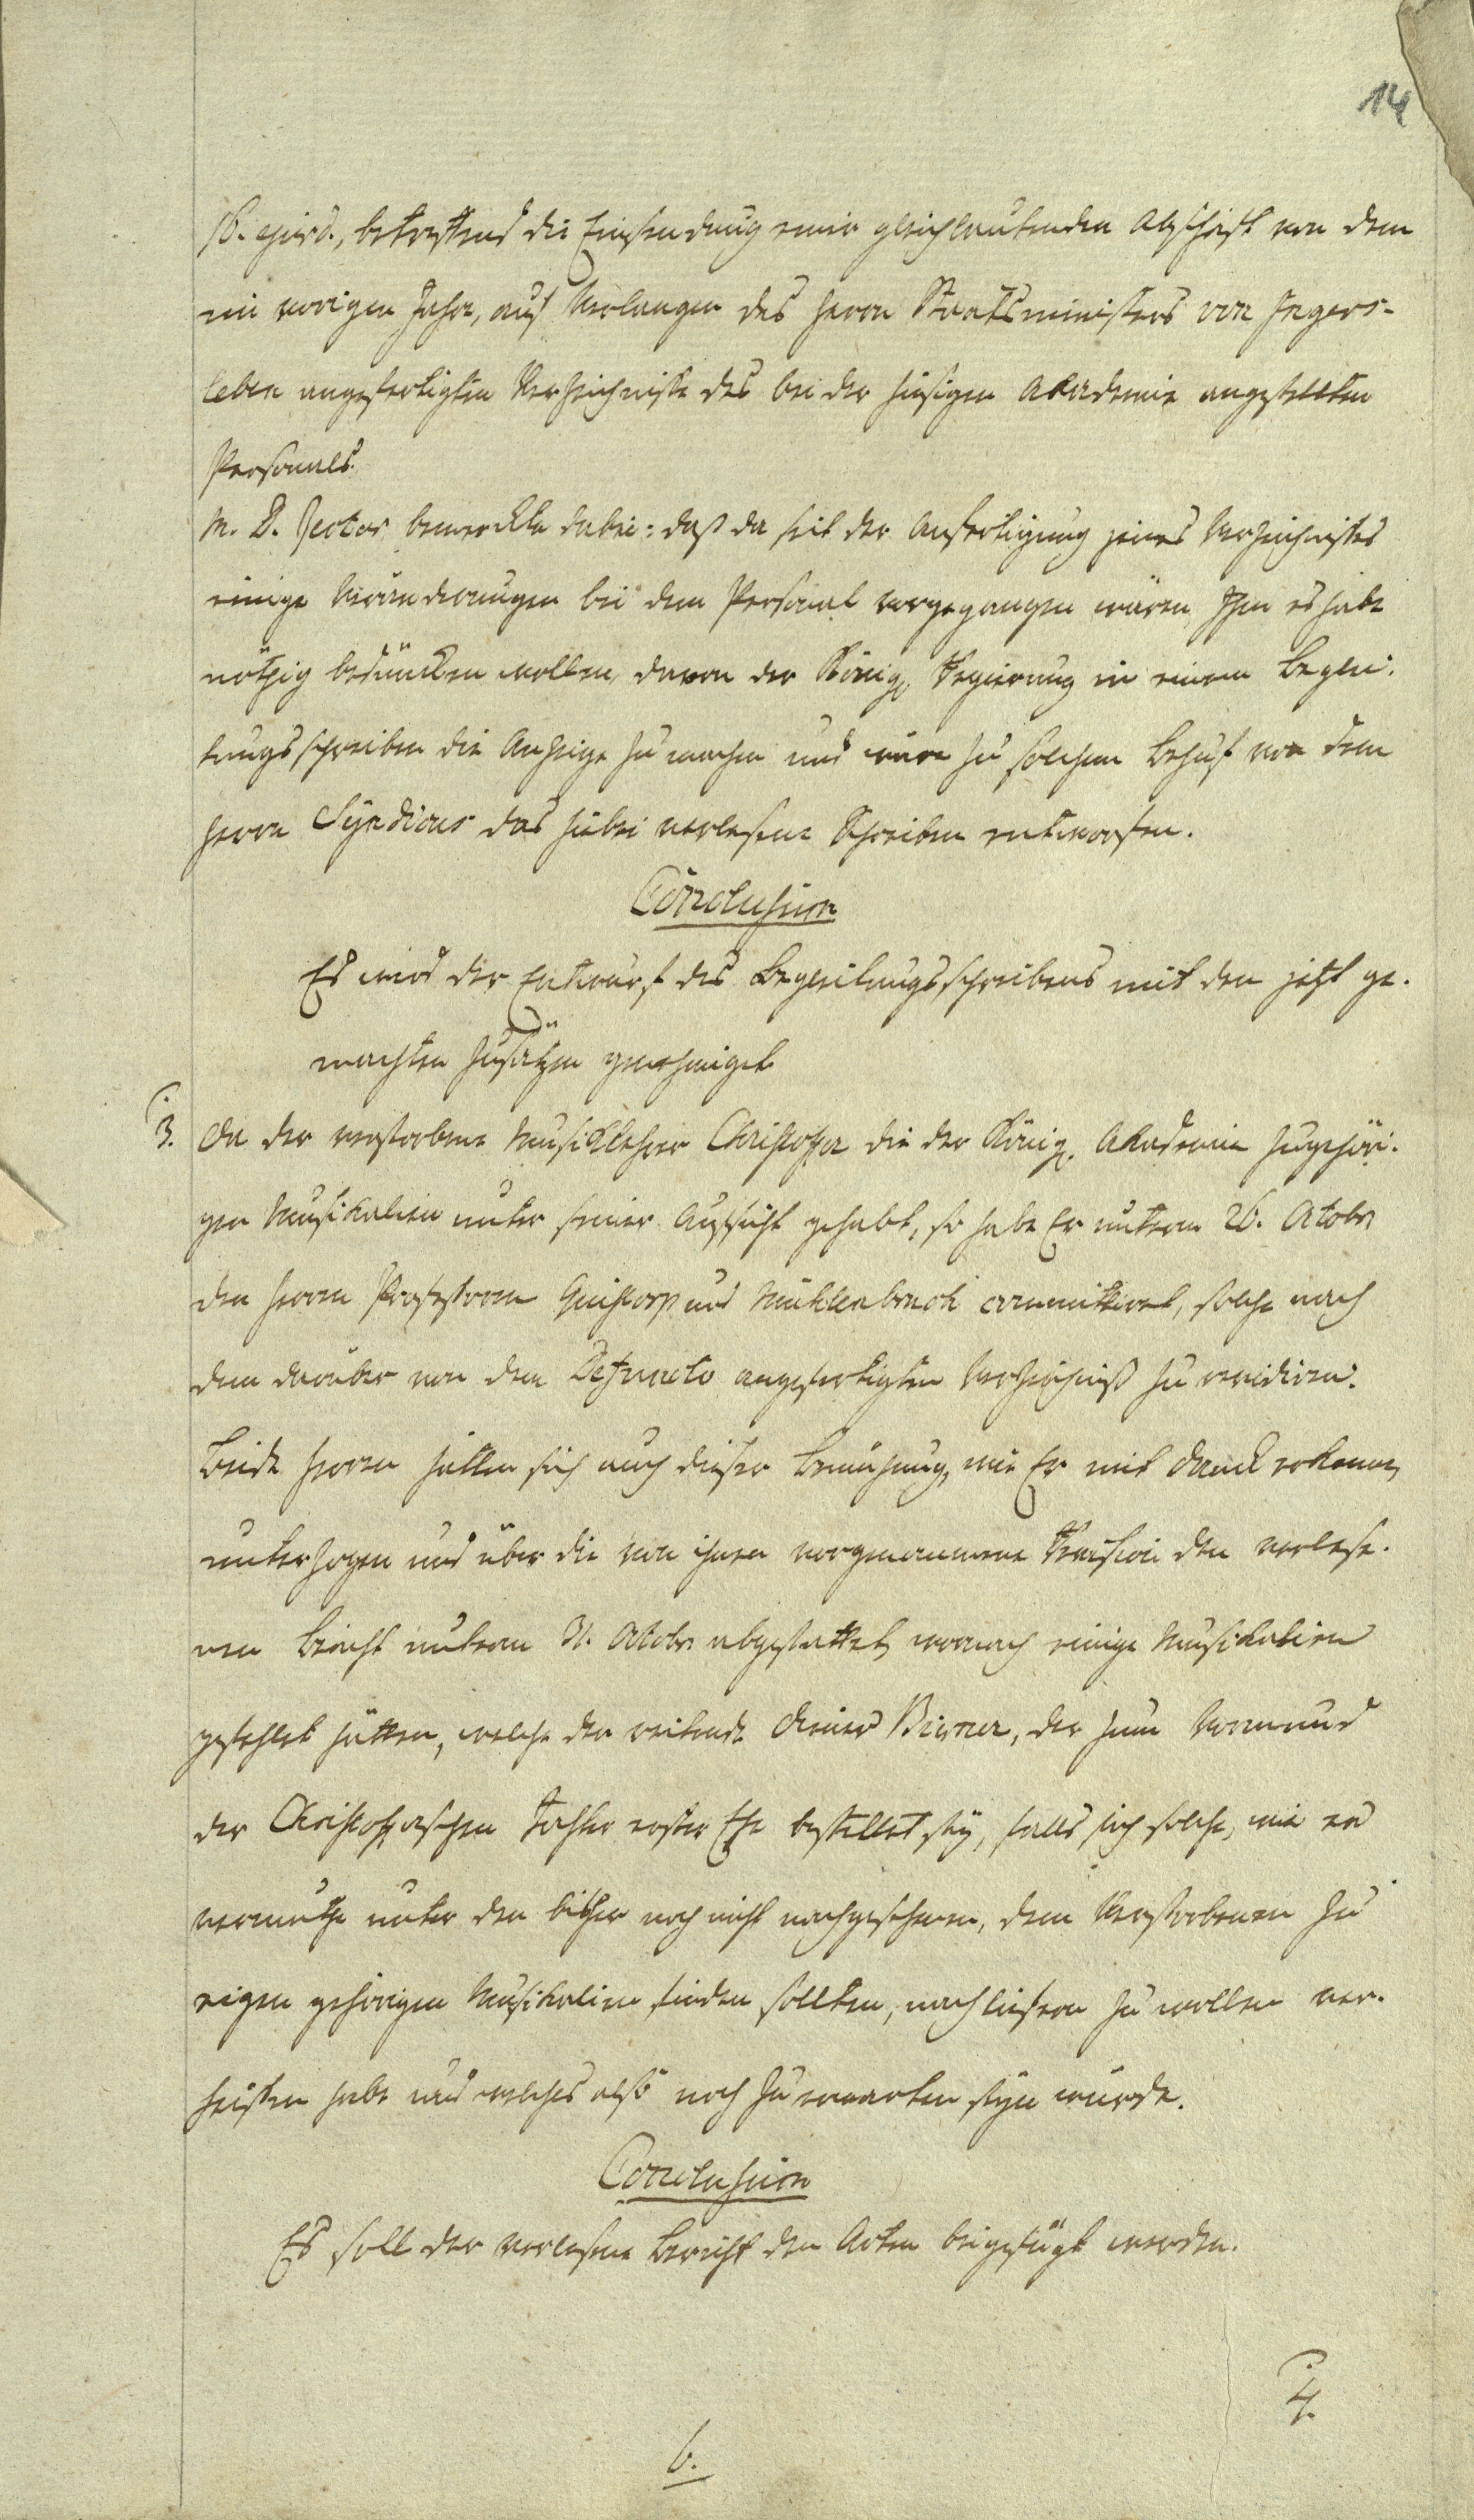16. ejusd., betreffend die Einsendung einer gleichlautenden Abschrift von dem
im vorigen Jahre, auf Verlangen des Herrn Staatsministers von Ingers¬
leben angefertigten Verzeichnisse des bei der hiesigen Akademie angestellten
Personals.
M. D. Rector bemerckte dabei: daß da seit der Anfertigung seines Verzeichnisses
einige Veränderungen bei dem Personal vorgegangen wären, Ihm es habe
nöthig bedüncken wollen, davon der Königl Regierung in einem Beglei¬
tungsschreiben die Anzeige zu machen und wären zu solchem Behuf von dem
Herrn Sÿndicus das hiebei verlesene Schreiben entworfen.
Conclusum
Es wird der Entwurf des Begleitungsschreibens mit dem jetzt ge¬
machten Zusätzen genehmiget.
3. Da der verstorbene Musiklehrer Christopher die der Königl. Akademie zugehöri¬
gen Mausikalien unter seiner Aufsicht gehabt, so habe Er unterm 26. Octobr.
den Herren Professoren Quistorp und Mühlenbruch committiret, solche nach
dem darüber von dem Defuncto angefertigten Verzeichniß zu revidiren.
Beide Herren hätten sich auch dieser Bemühung, wie Er mit Danck erkenne,
unterzogen und über die von ihnen vorgenommene Revision den verlese¬
nen Bericht unterm 31. Octobr. abgestattet, wornach einige Musikalien
gefehlet hätten, welche der reitende Diener Biesner, der zum Vormund
der Christopherschen Tochter erster Ehe bestellet seÿ, falls sich solche, in er
vermuthe unter den bisher noch nicht nachgesehenen, dem Verstorbenen zu
eigen gehörigen Musikalien finden sollten, nach liefern zu wollen ver¬
heissen habe und welches also noch zu erwarten seÿn würde.
Conclusum
Es soll der verlesene Bericht den Acten beigefügt werden.
4.